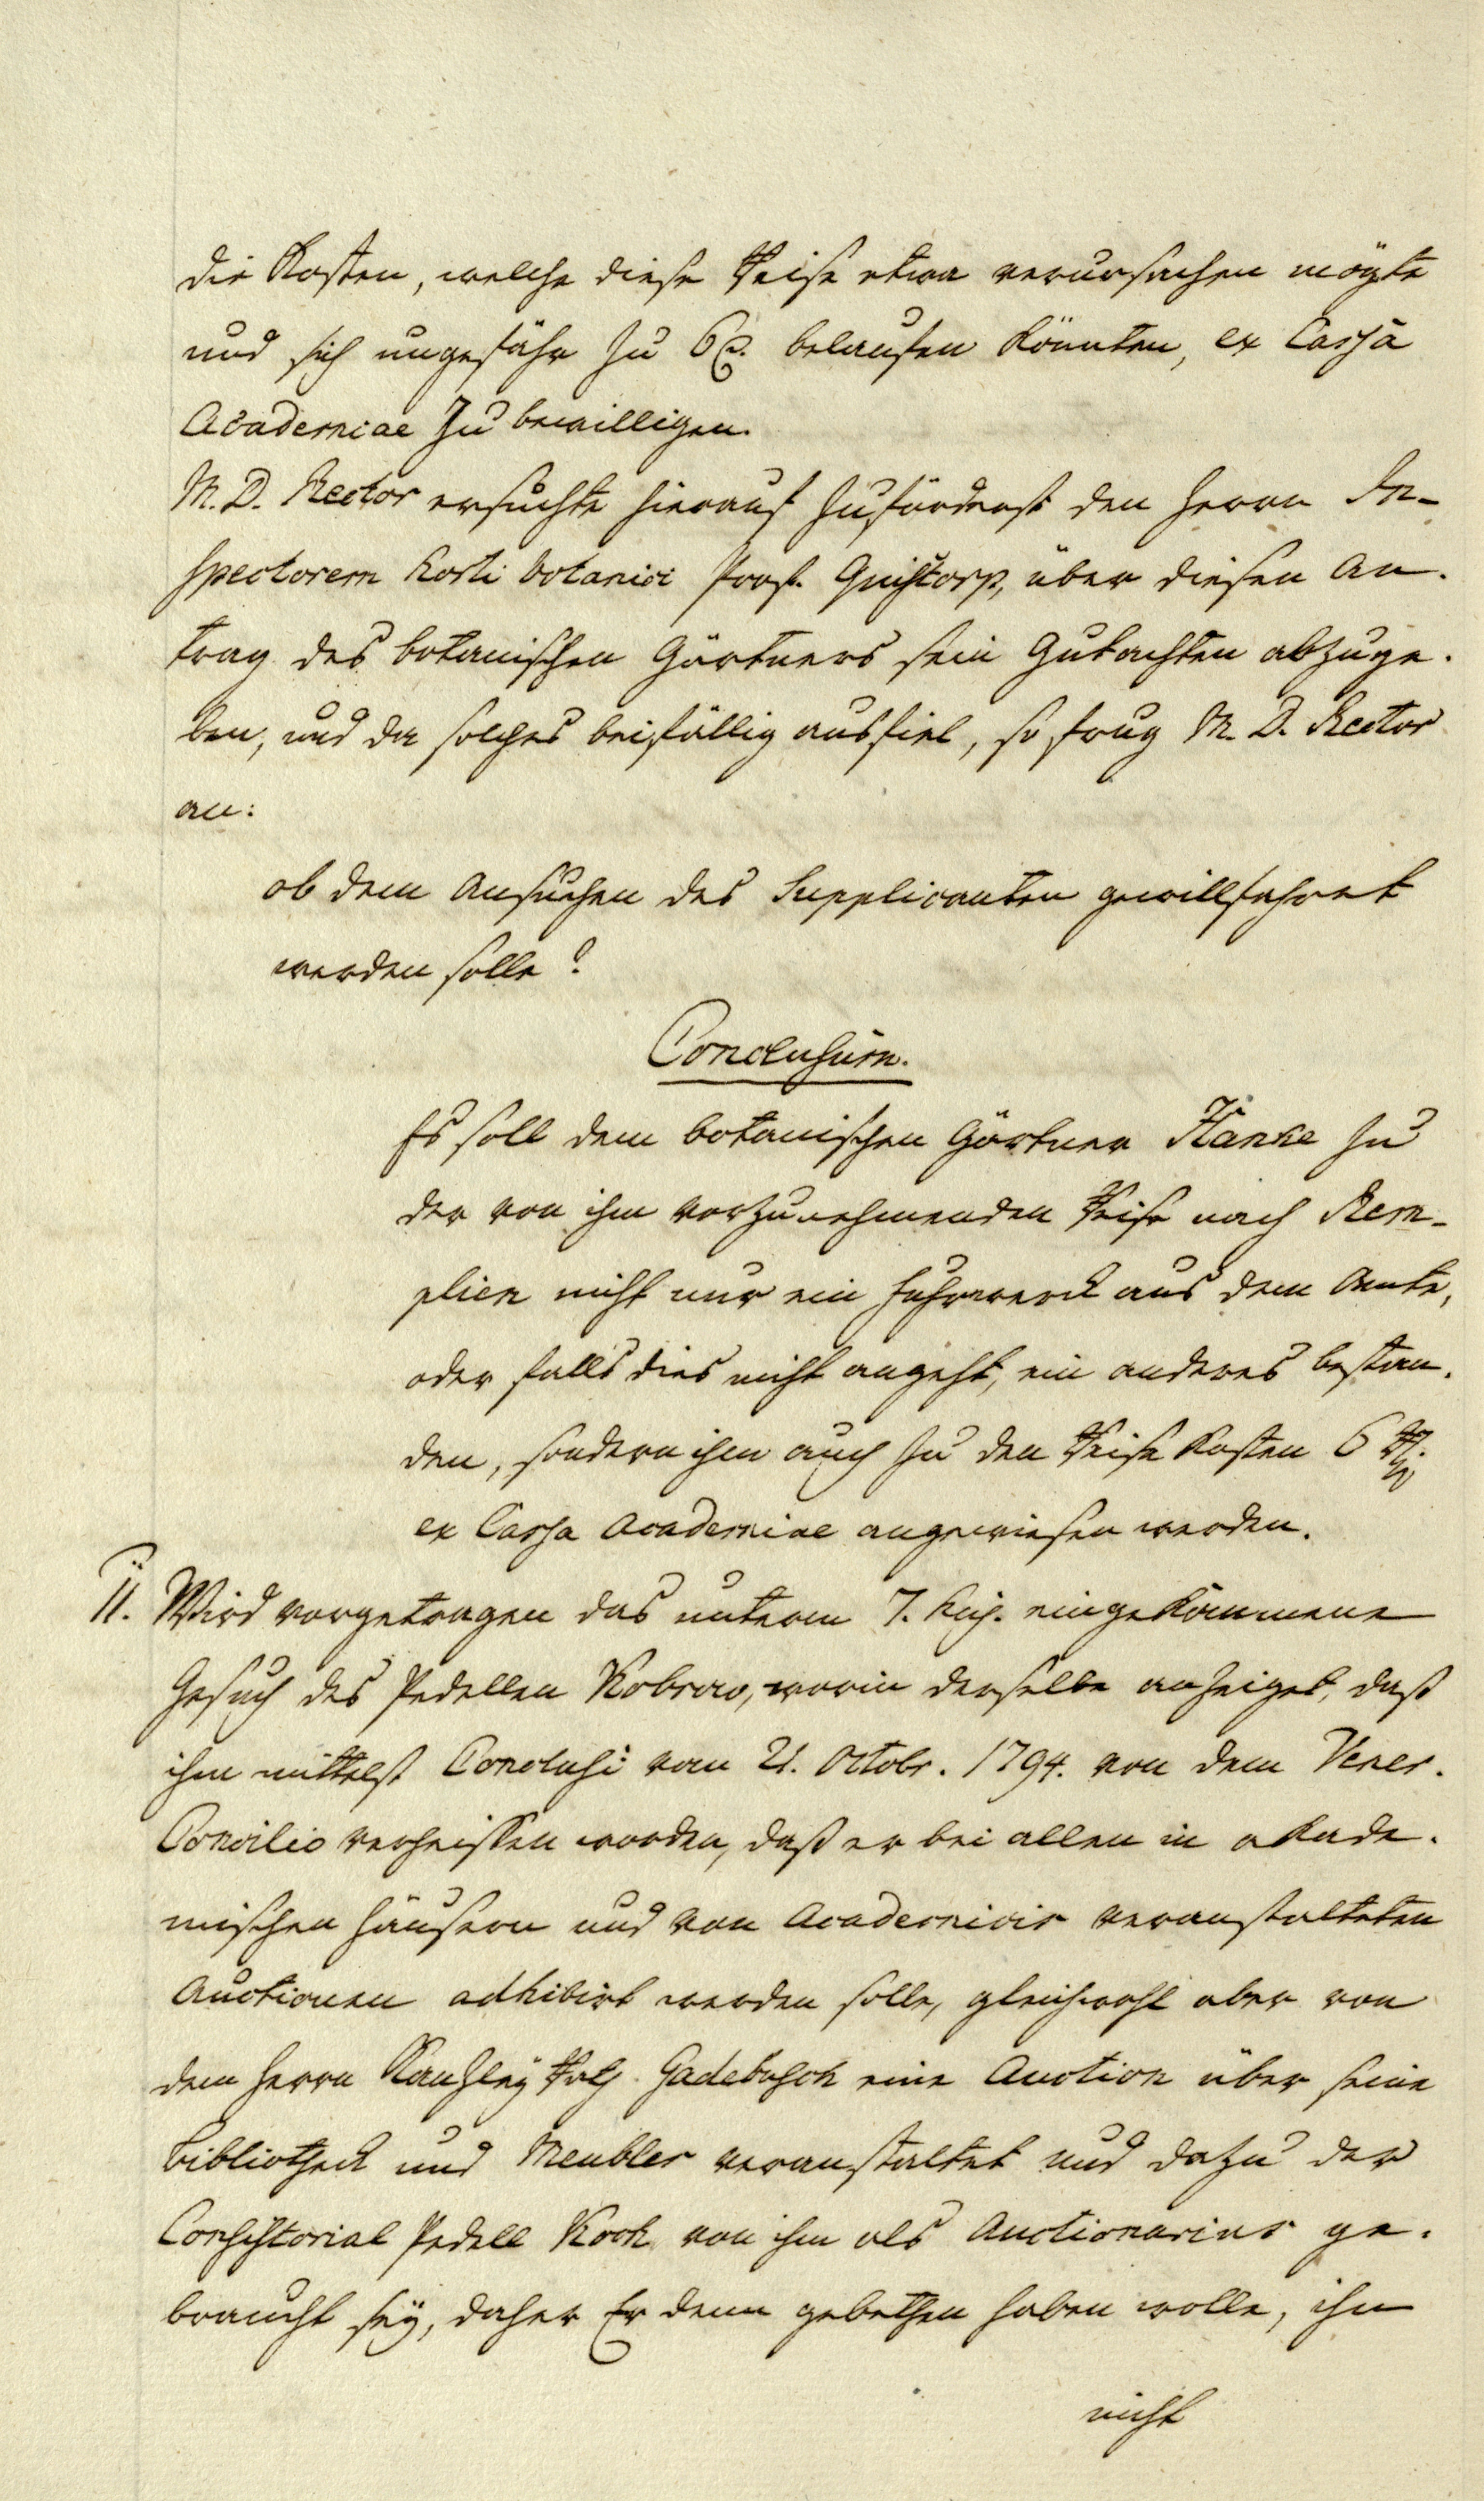die Kosten, welche diese Reise etwa verursachen mögte
und sich ungefähr zu 6 l. belaufen könnten, ex Cassa
Academiae zu bewilligen.
M. D. Rector ersuchte hierauf zuförderst den herrn In¬
spectorem horti botanici Prof. Quistorp, über diesen An¬
trag des botanischen Gärtners sein Gutachten abzuge¬
ben, und da solches beifällig ausfiel, so frug M. D. Rector
an:
ob dem Ansuchen des Supplicanten gewillfahret
werden solle?
Conclusum.
Es soll dem botanischen Gärtner Hanke zu
der von ihm vorzunehmenden Reise nach Rem¬
plien nicht nur ein Fuhrwerck aus dem Amte,
oder falls dies nicht angeht, ein anderes bestan¬
den, sondern ihm auch zu den Reise Kosten 6 Rt.
ex Cassa Academiae angewiesen werden.
11. Wird vorgetragen das unterm 7. huj. eingekommene
Gesuch des Pedellen Kobrow, worin derselbe anzeiget, daß
ihm mittelst Conclusi vom 21. Octobr. 1794. von dem Vener.
Concilio verheissen worden, daß er bei allen in akade¬
mischen Häusern und von Academicis veranstalteten
Auctionen adhibirt werden solle, gleichwohl aber von
dem herrn Kanzleÿ Rath Gadebusch eine Auction über seine
Bibliotheck und Meubles veranstaltet und dazu der
Consistorial Pedell Koch von ihm als Auctionarius ge¬
braucht seÿ, daher Er denn gebethen haben wolle, ihm
nicht